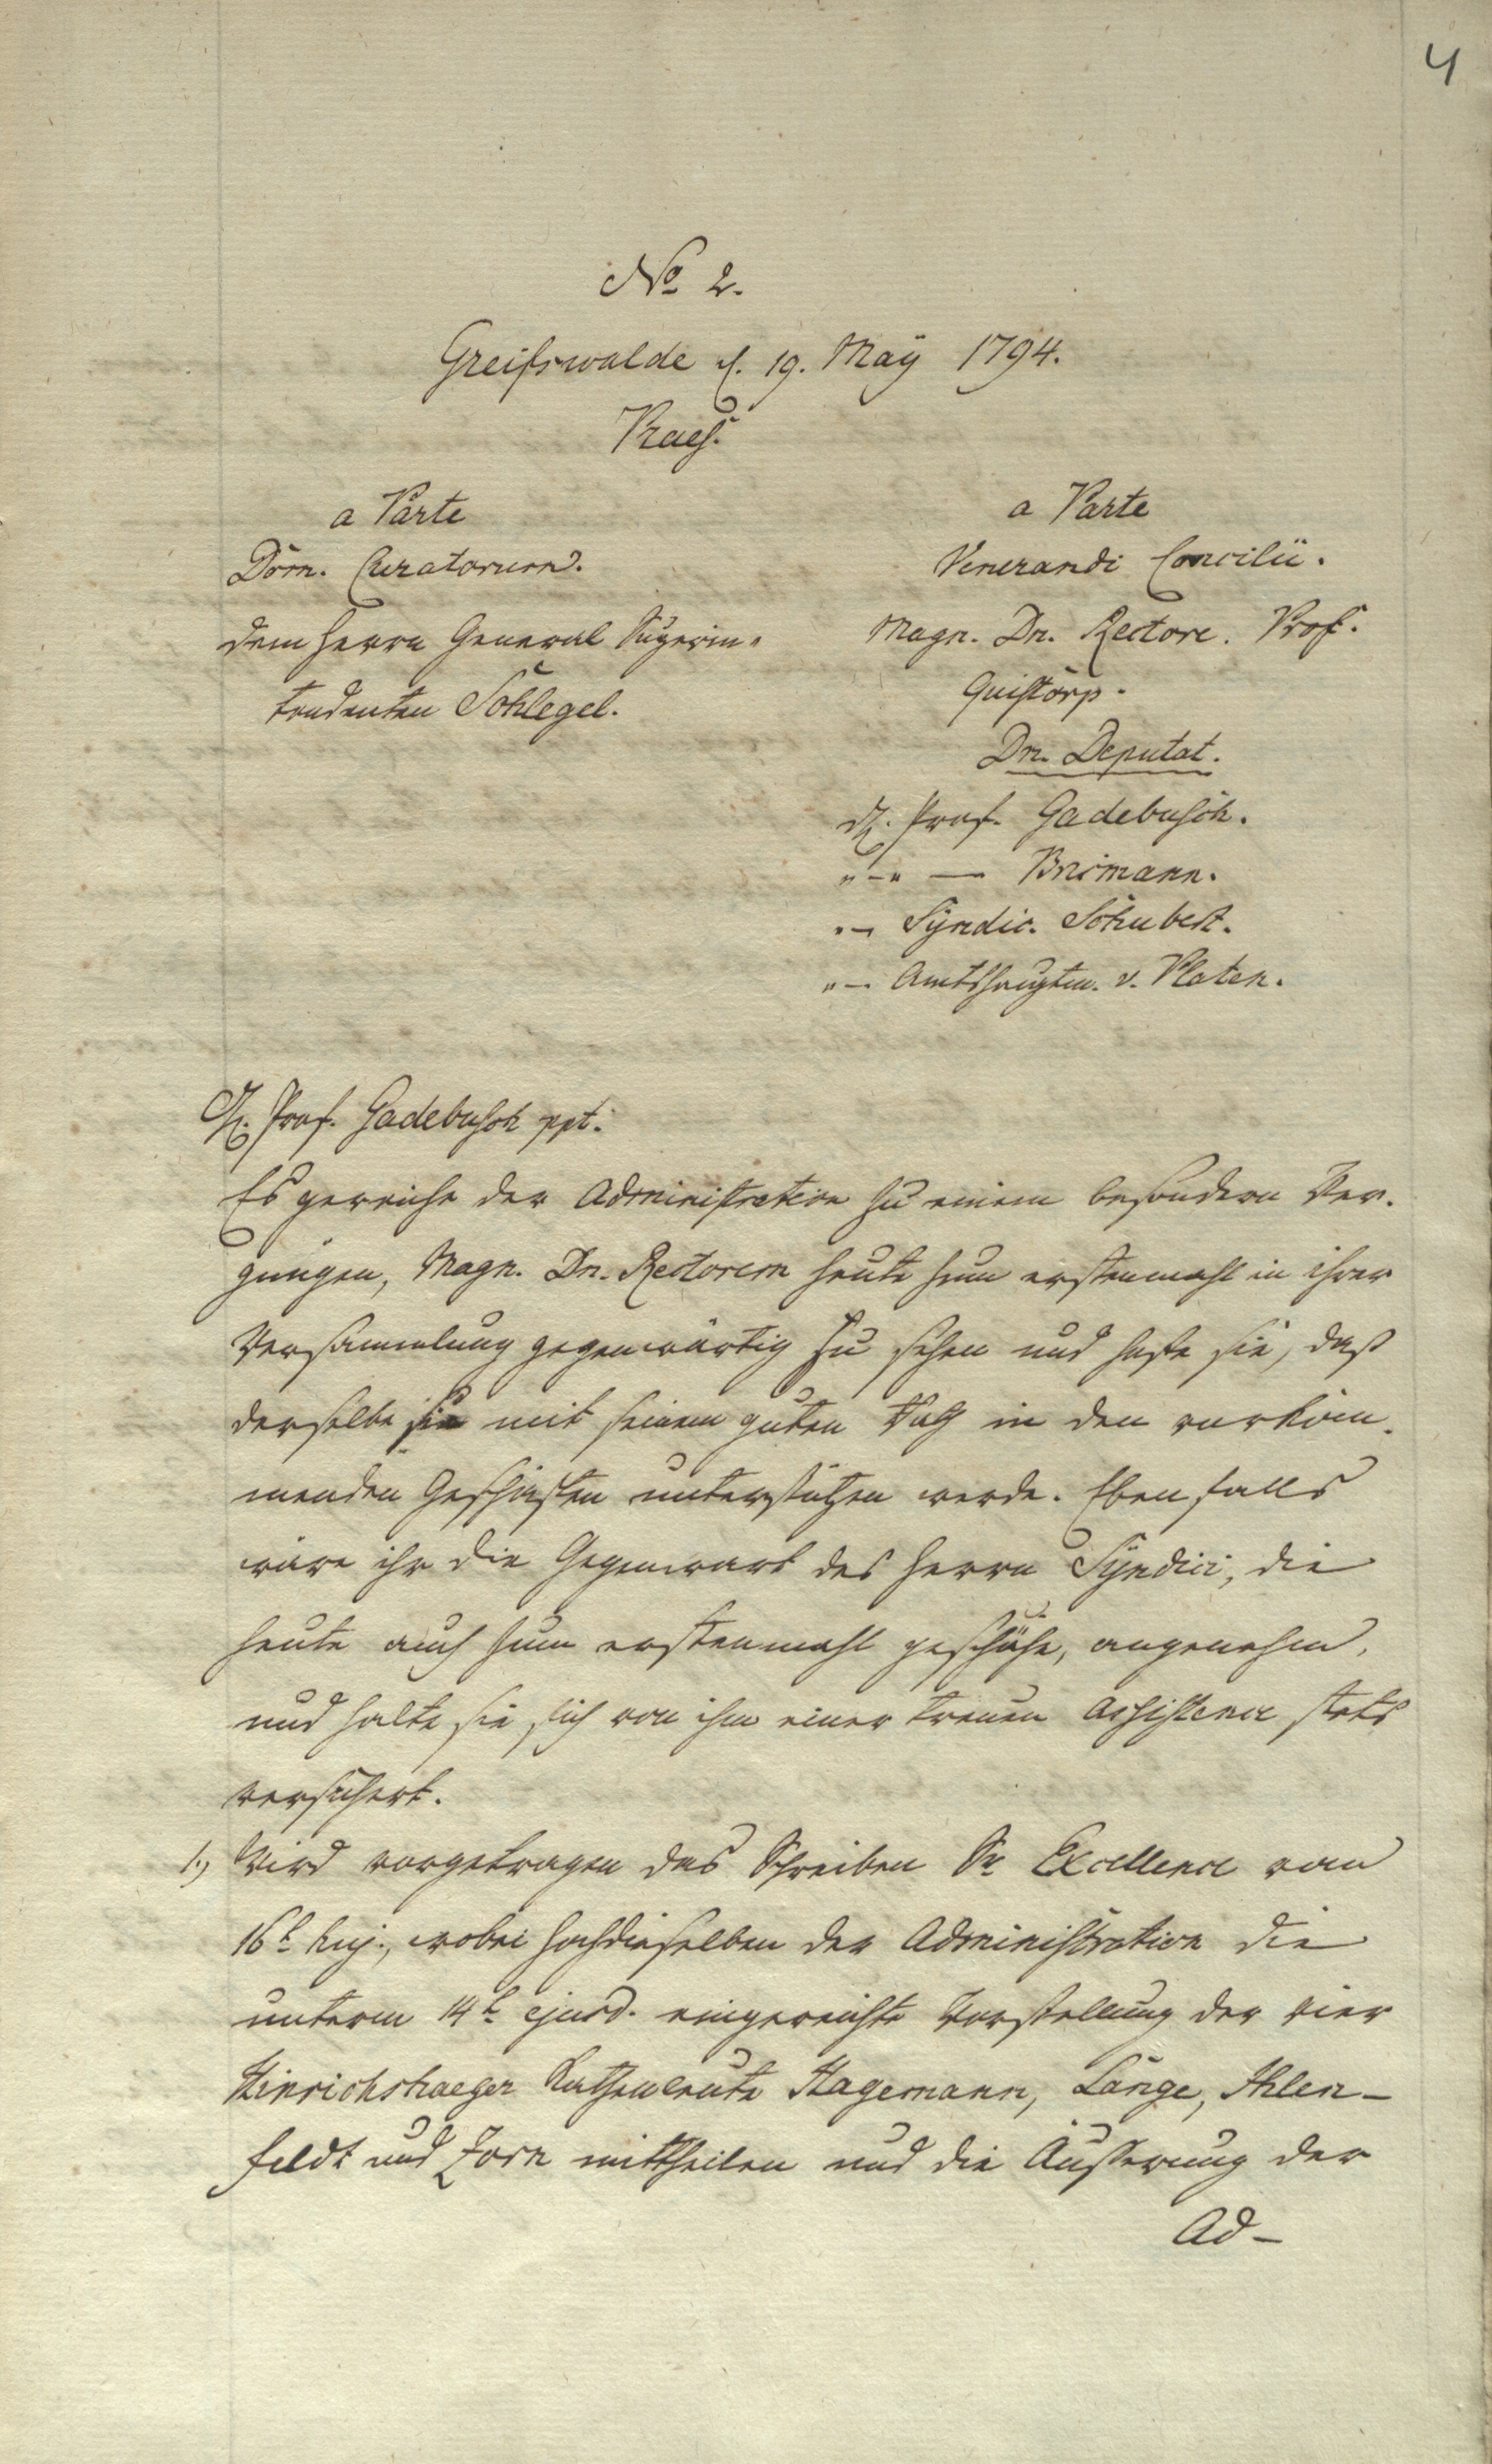No. 2.
Greifswalde d. 19. May 1794.
Praes.
a Parte
Dom. Curatorum.
dem Herrn General Superin¬
tendenten Schlegel.
a Parte
Venerandi Concilii
Magn. Dn. Rectore. Prof.
Quistorp
Dn. Deputat.
dh. Prof. Gadebusch
" - " - Brismann
" - Syndic. Schubert.
" - Amtshauptm. v. Platen
dh. Prof. Gadebusch ppt.
Es gereiche der Administration zu einem besondern Ver¬
gnügen, Magn. Dn. Rectorem heute zum erstenmahl in ihrer
Versammlung gegenwärtig zu sehen und hoffe sie, daß
derselbe sie mit seinem guten Rath in den vorkom¬
menden Geschäften unterstützen werde. Ebenfalls
wäre ihr die Gegenwart des Herrn Syndici, die
heute auch zum erstenmahl geschähe, angenehm,
und halte sie sich von ihm einer treuen Assistence stets
versichert.
1., wird vorgetragen das Schreiben Sr. Excellence vom
16t huj., wobei hochdieselben der Administration die
unterm 14t. ejusd. eingereichte Vorstellung der vier
Hinrichshaeger Kathenleute Hagemann, Lange, Ihlen¬
feldt und Zorn mittheilen und die Äusserung der
Ad¬